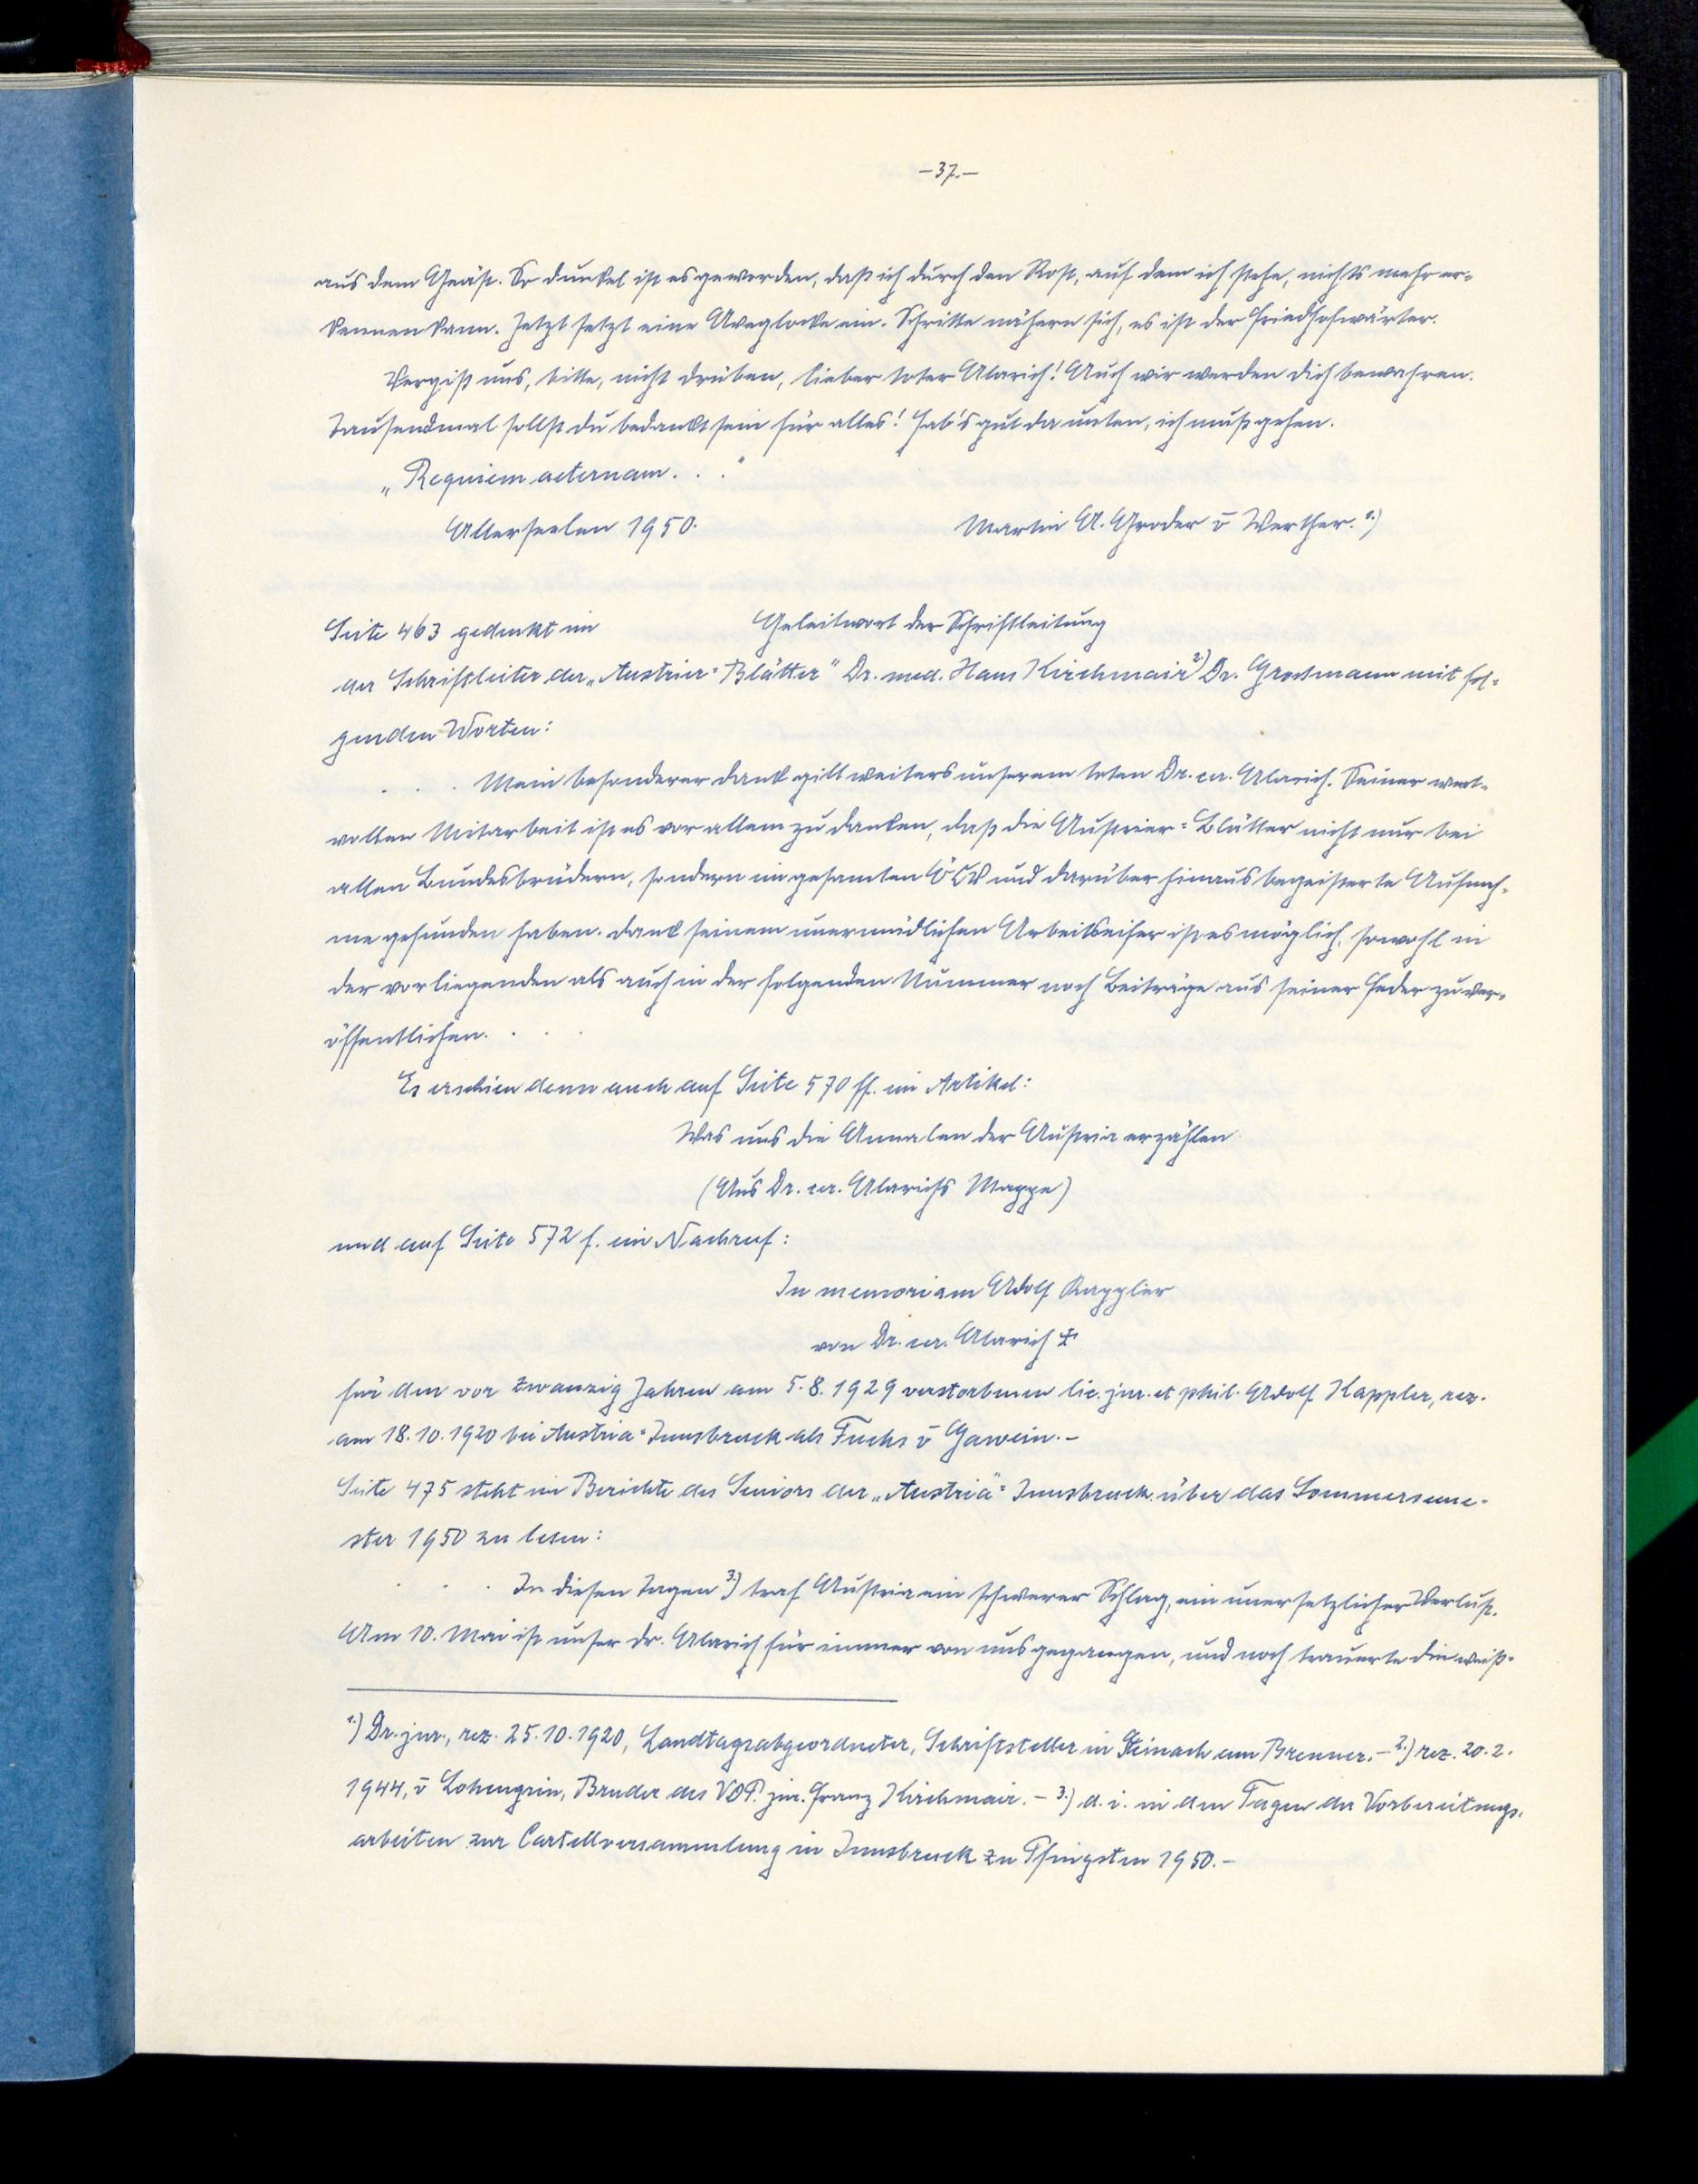37
aus dem Geäst. So dunkel ist es geworden, daß sich durch den Rost, auf dem ich stehe, nichts mehr er-
kennen kann. Jetzt setzt eine Glocke ein. Schritte nähern sich. Es ist der Friedhofswärter.
Vergiß uns bitte nicht drüben, lieber toter Alarich! Auch wir werden dich bewahren.
Tausendmal sollst du bedankt sein für alles! Hab’s gut da unten!, ich muß gehen.
Requiem aeternam…
Allerseelen 1950
Martin A. Groder v/o Werther 1)
Seite 463 gedenkt im
Geleitwort der Schriftleitung
der Schriftleiter der „Austria-Blätter“ Dr. med. Hans Kirchmair 2) Dr. Großmann mit fol-
genden Worten
… Mein besonderer Dank gilt weiters unseren Toten Dr. cer. Alarich. Seiner wert-
vollen Mitarbeit ist es vor allem zu danken, daß die Austrier-Blätter nicht nur bei
allen Bundesbrüdern, sondern im gesamten ÖCV und darüber hinaus begeisterte Aufnah-
me gefunden haben. Dank seinem unermüdlichen Arbeitseifer ist es möglich, sowohl in
der vorliegenden als auch in der folgenden Nummer noch Beiträge aus seiner Feder zu ver-
öffentlichen. …
Es erschien denn auch auf Seite 570 ff. ein Artikel:
Was uns die Annalen der aus der Austria erzählen
(Aus Dr. cer. Alarichs Mappe)
und auf Seite 572 f. ein Nachruf:
In memoriam Adolf Kappler
von Dr. cer. Alarich +
für den vor zwanzig Jahren am 5.8.1929 verstorbenen lic. iur. et. phil. Adolf Kappler, rez.
am 18.10.1920 bei Austria - Innsbruck als Fuchs v/o Gawein.
Seite 475 steht ein Bericht des Seniors der „Austria“-Innsbruck über das Sommerseme-
ster 1950 zu lesen:
In diesen Tagen 3) traf Austria ein schwerer Schlag, ein unersetzlicher Verlust.
Am 10. März ist unser Dr. Alarich für immer von uns gegangen, und noch trauerte die weiß-
1) Dr. jur., rez. 25.10.1920, Landtagsabgeordneter, Schriftsteller in Steinach am Brenner.- 2)rez. 20.2.
1944 v/o Lohengrin, Bruder des VOP iur. Franz Kirchmair. 3) d. i. in den Tagen der Vorbereitungs
arbeiten zur Cartellversammlung in Innsbruck zu Pfingsten 1950.